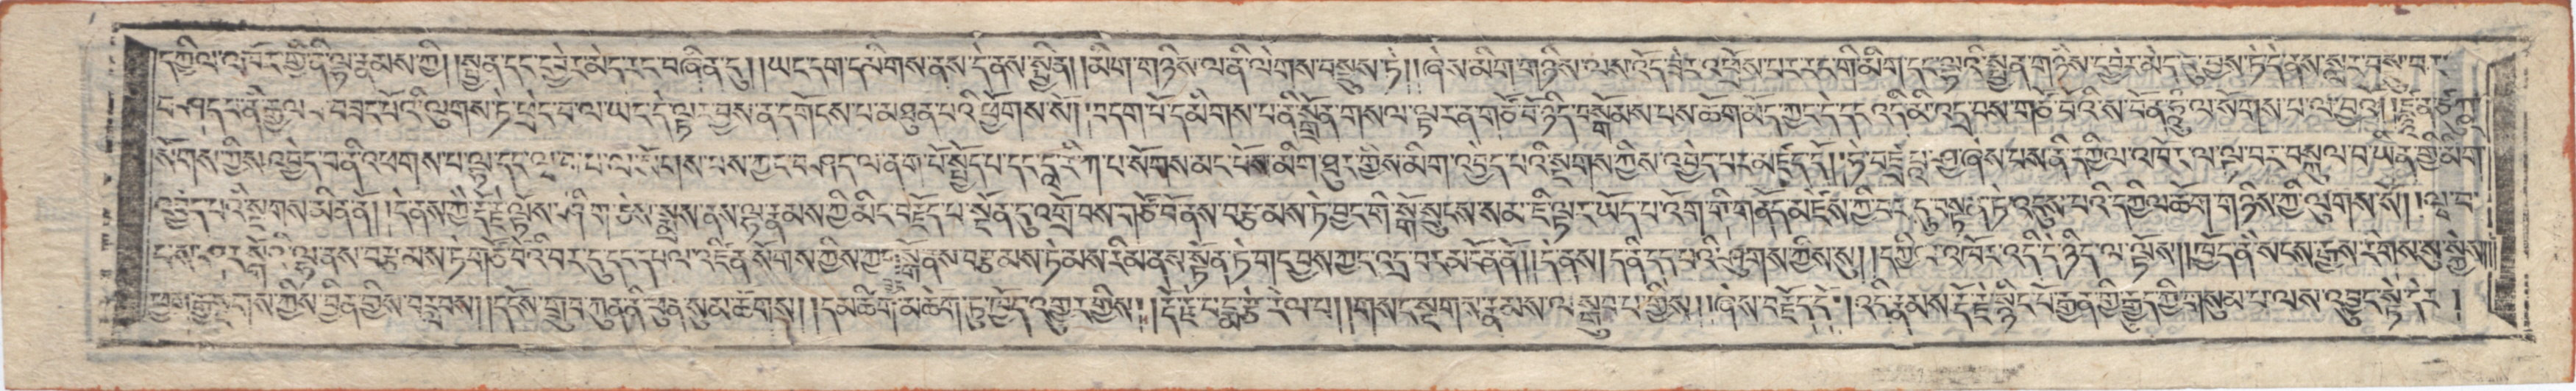དཀྱིལ་འཁོར་གྱི་ནི་ལྷ་རྣམས་ཀྱི། །སྤྱན་དང་དབྱེར་མེད་རང་བཞིན་དུ། །ཡང་དག་དམིགས་ནས་དེ་ནས་སྦྱིན། །མིག་གཉིས་ལ་ནི་ལེགས་བསྡུས་ཏེ། །ཞེས་མིག་གཉིས་ལས་འོད་ཟེར་འཕྲོས་པར་རང་གི་མིག་དང་ལྷའི་སྤྱན་གཉིས་དབྱེར་མེད་དུ་བྱས་ཏེ་དེ་ནས་སླར་བསྡུ་བར་
བཤད་པ་ནི་གྱལ་བ་བཟང་པོའི་ལུགས་ཏེ་ཕྲེང་བ་ལ་ཡང་དེ་ལྟར་བྱས་ན་དགོངས་པ་མཐུན་པའི་ཕྱོགས་སོ། །བདག་པོ་དམིགས་པ་ནི་སྒྲོན་གསལ་ལྟར་ན་གཙོ་བོ་ཉིད་བསྒོམས་པས་ཆོག་མོད་ཀྱང་དེ་དང་འདི་མི་འདྲ་བས་གཙོ་བོའི་ས་བོན་ཧཱུཾ་ལ་སོགས་པ་ལ་བྱའོ། །ཛྙཱ་ན་ཙ་ཀྵུ་
སོགས་ཀྱིས་འབྱེད་པ་ནི་འཕགས་པ་ལྷ་དང་ལྭ་བ་པ་ལ་སོགས་པས་ཀྱང་བཤད་ལ་ནག་པོ་སྤྱོད་པ་དང་དཱ་རི་ཀ་པ་སོགས་མང་པོས་མིག་ཐུར་གྱིས་མིག་འབྱེད་པའི་སྔགས་ཀྱིས་འབྱེད་པར་མཛད་དོ། །ཧེ་བཛྲ་པཱ་ཤྱ་ཞེས་པས་ནི་དཀྱིལ་འཁོར་ལ་ལྟ་བར་བསྐུལ་བ་ཡིན་གྱི་མིག་
འབྱེད་པའི་སྔགས་མིན་ནོ། །དེ་ནས་ཀྱཻ་རྡོ་རྗེ་ལྟོས་ཤིག་ཅེས་སྨྲས་ནས་ལྷ་རྣམས་ཀྱི་མིང་བརྗོད་པ་སྔོན་དུ་འགྲོ་བས་གཙོ་བོ་ནས་བརྩམས་ཏེ་བྱང་གི་སྒོ་སྲུངས་སམ་ཇི་ལྟར་ཡོད་པ་འོག་གི་གནོད་མཛེས་ཀྱི་བར་དུ་བསྟན་ཏེ་འདུས་པའི་དཀྱིལ་ཆོག་གཉིས་ཀྱི་ལུགས་སོ། །ལྭ་བ་
པས་ཤར་སྒོའི་ལྷ་ནས་བརྩམས་ཏེ་གཙོ་བོའི་བར་དུ་དང་དཔལ་འཛིན་སོགས་ཀྱིས་ཀྱང་བྱང་སྒོ་ནས་བརྩམས་ཏེ་མས་རིམ་ནས་སྟོན་ཏེ་གང་བྱས་ཀྱང་འདྲ་བར་མངོན་ནོ། །དེ་ནས། ད་ནི་དད་པའི་ཤུགས་ཀྱིས་སུ། །དཀྱིལ་འཁོར་འདི་དེ་ཉིད་ལ་ལྟོས། །ཁྱོད་ནི་སངས་རྒྱས་རིགས་སུ་སྐྱེས། །
ཕྱག་རྒྱ་སྔགས་ཀྱིས་བྱིན་གྱིས་བརླབས། །དངོས་གྲུབ་ཀུན་ནི་ཕུན་སུམ་ཚོགས། །དམ་ཚིག་མཆོག་ཏུ་ཁྱོད་འགྱུར་གྱིས། །རྡོ་རྗེ་པདམ་རྩེ་རོལ་པ། །གསང་སྔགས་རྣམས་ལ་སྒྲུབ་པ་གྱིས། །ཞེས་བརྗོད་དོ། །འདི་རྣམས་རྡོ་རྗེ་སྙིང་པོ་རྒྱན་གྱི་རྒྱུད་ཀྱི་གསུམ་པ་ལས་འབྱུང་སྟེ་དེར།